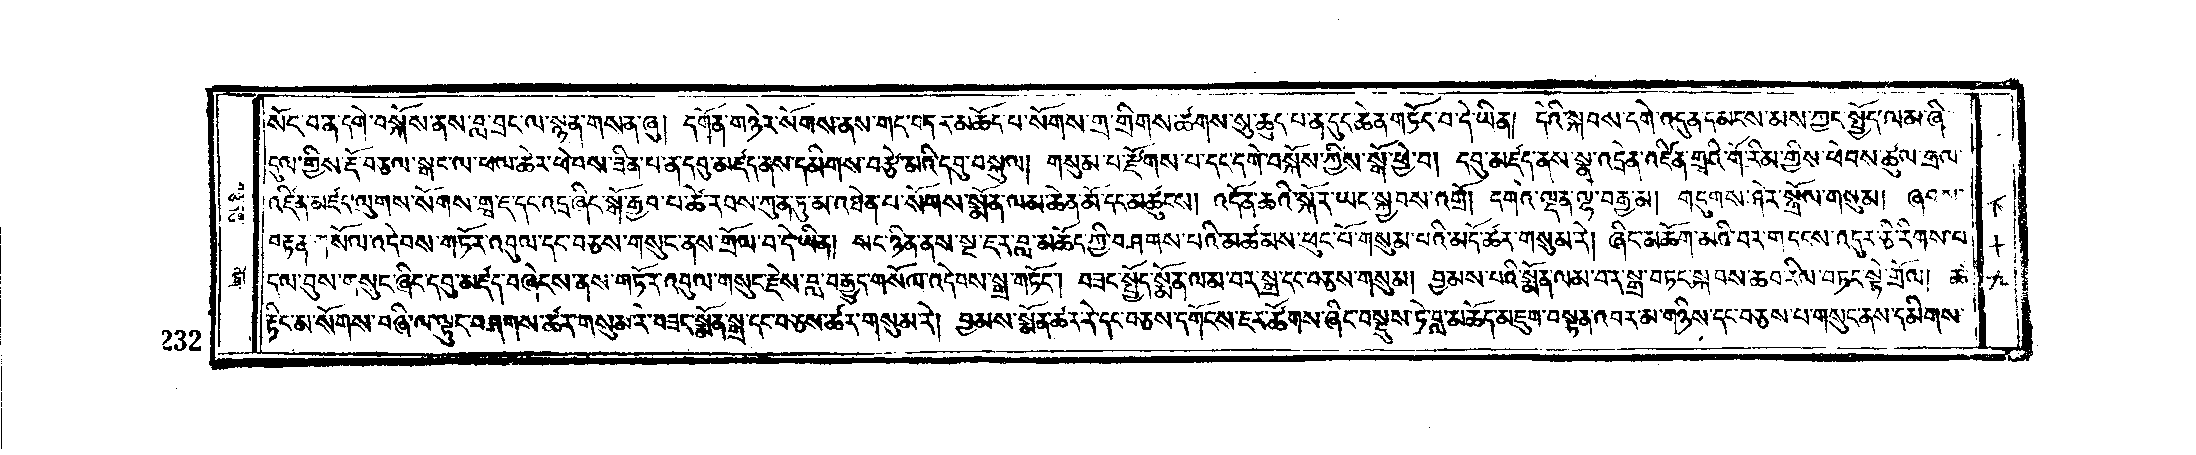སོང་བ་ན་དགེ་བསྐོས་ནས་བླ་བྲང་ལ་སྙན་གསན་ཞུ། དགོན་གཉེར་སོགས་ནས་གང་བདར་མཆོད་པ་སོགས་གྲ་གྲིགས་ཚགས་སུ་ཆུད་པ་ན་དུང་ཆེན་གཏོང་བ་དེ་ཡིན། དེའི་སྐབས་དགེ་འདུན་དམངས་མས་ཀྱང་སྤྱོད་ལམ་ཞི་
དུལ་གྱིས་རྡོ་བཅལ་སྒང་ལ་ཕལ་ཆེར་ཕེབས་ཟིན་པ་ན་དབུ་མཛད་ནས་དམིགས་བརྩེ་མའི་དབུ་བསྐུལ། གསུམ་པ་རྫོགས་པ་དང་དགེ་བསྐོས་ཀྱིས་སྒོ་ཕྱེ་བ། དབུ་མཛད་ནས་སྣ་འདྲེན་འཛིན་གྲྭའི་གོ་རིམ་གྱིས་ཕེབས་ཚུལ་གྲལ་
འཛིན་མཛད་ལུགས་སོགས་གྲྭ་ཇ་དང་འདྲ་ཞིང་སྒོ་རྒྱབ་པ་ཚེ་རབས་ཀུན་ཏུ་མ་འཐེན་པ་སོགས་སྨོན་ལམ་ཆེན་མོ་དང་མཚུངས། འདོན་ཆའི་སྐོར་ཡང་སྐྱབས་འགྲོ། དགའ་ལྡན་ལྷ་བརྒྱ་མ། གདུགས་ཤེར་སྒྲོལ་གསུམ། ཞབས་
བརྟན་གསོལ་འདེབས་གཏོར་འབུལ་དང་བཅས་གསུང་ནས་གྲོལ་བ་དེ་ཡིན། སང་ཉིན་ནས་སྔ་ཇར་བླ་མཆོད་ཀྱི་བཤགས་པའི་མཚམས་ཕུང་པོ་གསུམ་པའི་མདོ་ཚར་གསུམ་རེ། ཞིང་མཆོག་མའི་བར་གདངས་འདུར་ཅི་རིགས་པ་
དལ་བུས་གསུང་ཞིང་དབུ་མཛད་བཞེངས་ནས་གཏོར་འབུལ་གསུང་རྗེས་བླ་བརྒྱུད་གསོལ་འདེབས་སྒྲ་གཏོང་། བཟང་སྤྱོད་སྨོན་ལམ་བར་སྒྲ་དང་བཅས་གསུམ། བྱམས་པའི་སྨོན་ལམ་བར་སྒྲ་བཏང་སྐབས་ཆབ་རིལ་བཏང་སྟེ་གྲོལ། ཚ་
རྟིང་མ་སོགས་བཞི་ལ་ལྟུང་བཤགས་ཚར་གསུམ་རེ་བཟང་སྨོན་སྒྲ་དང་བཅས་ཚར་གསུམ་རེ། བྱམས་སྨོན་ཚར་རེ་དང་བཅས་དགོངས་ཇར་ཚོགས་ཞིང་བསྡུས་ཏེ་བླ་མཆོད་མཇུག་བསྟན་འབར་མ་གཉིས་དང་བཅས་པ་གསུང་ནས་དམིགས་